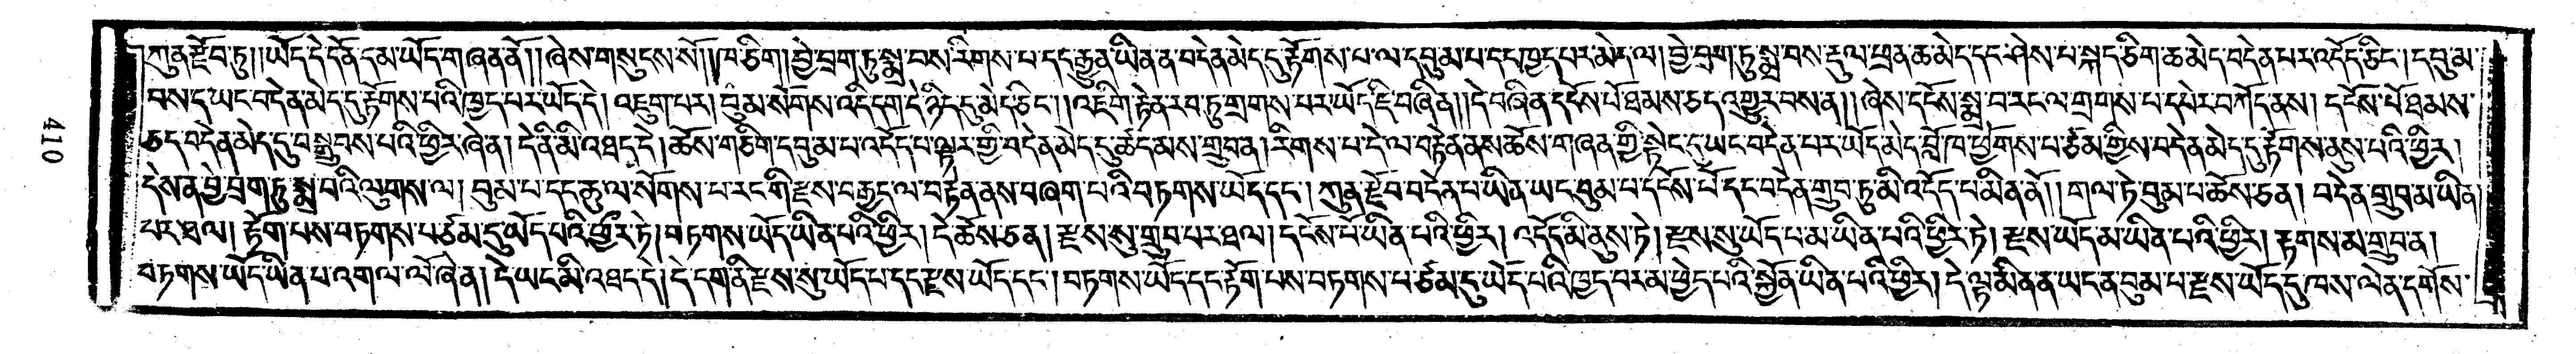ཀུན་རྫོབ་ཏུ། །ཡོད་དེ་དོན་དམ་ཡོད་གཞན་ནོ། །ཞེས་གསུངས་སོ། །ཁ་ཅིག །བྱེ་བྲག་ཏུ་སྨྲ་བས་རགས་པ་དང་རྒྱུན་ཡིན་ན་བདེན་མེད་དུ་རྟོགས་པ་ལ་དབུ་མ་པ་དང་ཁྱད་པར་མེད་ལ། བྱེ་བྲག་ཏུ་སྨྲ་བས་རྡུལ་ཕྲན་ཆ་མེད་དང་ཤེས་པ་སྐད་ཅིག་ཆ་མེད་བདེན་པར་འདོད་ཅིང་། དབུ་མ་
པས་དེ་ཡང་བདེན་མེད་དུ་རྟོགས་པའི་ཁྱད་པར་ཡོད་དེ། འཇུག་པར། བུམ་སོགས་འདི་དག་དེ་ཉིད་དུ་མེད་ཅིང་། །འཇིག་རྟེན་རབ་ཏུ་གྲགས་པར་ཡོད་ཇི་བཞིན། །དེ་བཞིན་དངོས་པོ་ཐམས་ཅད་འགྱུར་བས་ན། །ཞེས་དངོས་སྨྲ་བ་རང་ལ་གྲགས་པ་དཔེར་བཀོད་ནས། དངོས་པོ་ཐམས་
ཅད་བདེན་མེད་དུ་བསྒྲུབ་པའི་ཕྱིར་ཞེ་ན། དེ་ནི་མི་འཐད་དེ། ཆོས་གཅིག་དབུ་མ་པ་འདོད་པ་ལྟར་གྱི་བདེན་མེད་དུ་ཚད་མས་གྲུབ་ན། རིགས་པ་དེ་ལ་བརྟེན་ནས་ཆོས་གཞན་གྱི་སྟེང་དུ་ཡང་བདེན་པར་ཡོད་མེད་བློ་ཁ་ཕྱོགས་པ་ཙམ་གྱིས་བདེན་མེད་དུ་རྟོགས་ནུས་པའི་ཕྱིར།
དེས་ན་བྱེ་བྲག་ཏུ་སྨྲ་བའི་ལུགས་ལ། བུམ་པ་དང་ཆུ་ལ་སོགས་པ་རང་གི་རྫས་བརྒྱད་ལ་བརྟེན་ནས་བཞག་པའི་བཏགས་ཡོད་དང་། ཀུན་རྫོབ་བདེན་པ་ཡིན་ཡང་བུམ་པ་དངོས་པོ་དང་བདེན་གྲུབ་ཏུ་མི་འདོད་པ་མིན་ནོ། །གལ་ཏེ་བུམ་པ་ཆོས་ཅན། བདེན་གྲུབ་མ་ཡིན་
པར་ཐལ། རྟོག་པས་བཏགས་པ་ཙམ་དུ་ཡོད་པའི་ཕྱིར་ཏེ། བཏགས་ཡོད་ཡིན་པའི་ཕྱིར། དེ་ཆོས་ཅན། རྫས་སུ་གྲུབ་པར་ཐལ། དངོས་པོ་ཡིན་པའི་ཕྱིར། འདོད་མི་ནུས་ཏེ། རྫས་སུ་ཡོད་པ་མ་ཡིན་པའི་ཕྱིར་ཏེ། རྫས་ཡོད་མ་ཡིན་པའི་ཕྱིར། རྟགས་མ་གྲུབ་ན།
བཏགས་ཡོད་ཡིན་པ་འགལ་ལོ་ཞེ་ན། དེ་ཡང་མི་འཐད་དེ། དེ་དག་ནི་རྫས་སུ་ཡོད་པ་དང་རྫས་ཡོད་དང་། བཏགས་ཡོད་དང་རྟོག་པས་བཏགས་པ་ཙམ་དུ་ཡོད་པའི་ཁྱད་པར་མ་ཕྱེད་པའི་སྐྱོན་ཡིན་པའི་ཕྱིར། དེ་ལྟ་མིན་ན་ཡང་ན་བུམ་པ་རྫས་ཡོད་དུ་ཁས་ལེན་དགོས་